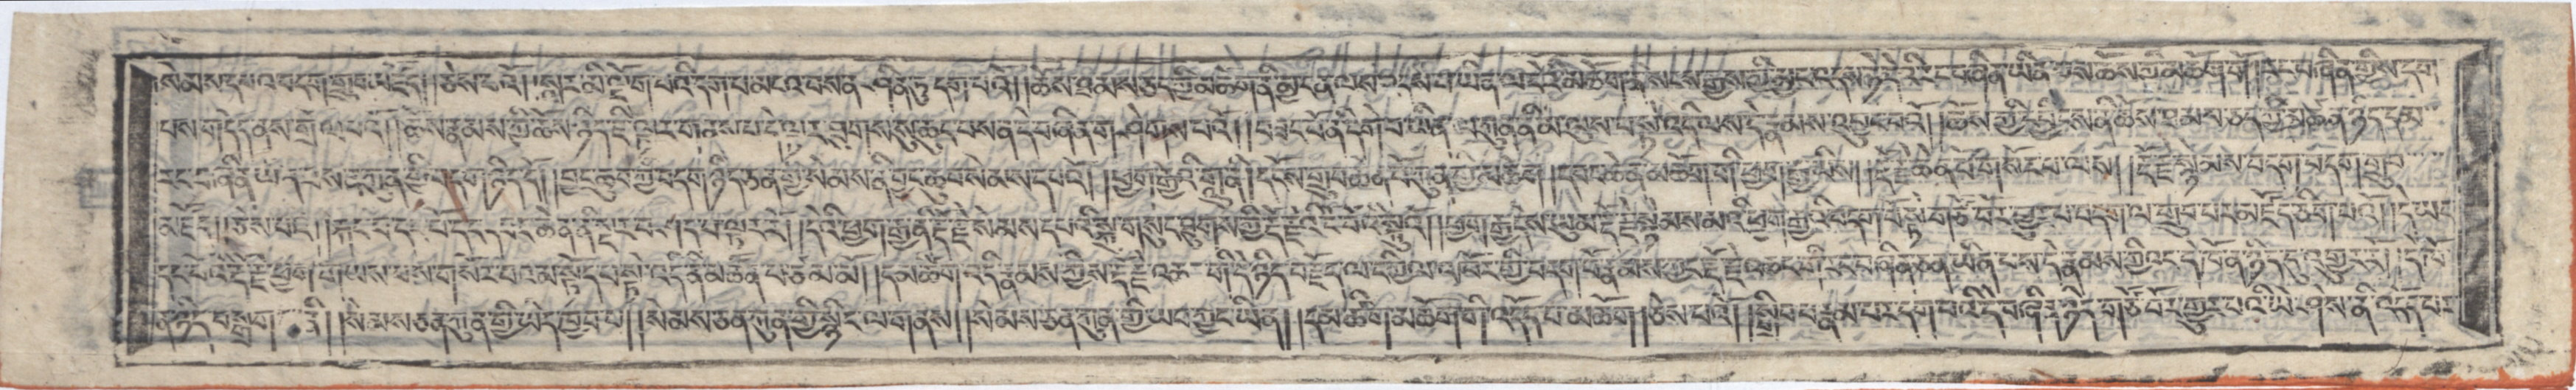སེམས་དཔའ་བདག་གྲུབ་མཛོད། །ཅེས་པའོ། །སླར་མི་ལྡོག་པའི་དག་པ་མངའ་བས་ན་ཤིན་ཏུ་དག་པའོ། །ཆོས་ཐམས་ཅད་ཀྱི་མཆོག་ནི་མྱ་ངན་ལས་འདས་པ་ཡིན་ལ་དེའི་མཆོག་ནི་སངས་རྒྱས་ཀྱི་མྱང་འདས་ཏེ་དེའི་རང་བཞིན་ཡིན་པས་ཆོས་ཀྱི་མཆོག་གོ །རང་བཞིན་གྱིས་དག་
པས་གདོད་ནས་གྲོལ་པའོ། །ཆོས་རྣམས་ཀྱི་ཆོས་ཉིད་ཇི་ལྟར་གནས་པ་དེ་ལྟར་ཐུགས་སུ་ཆུད་པས་ན་དེ་བཞིན་གཤེགས་པའོ། །བཟང་པོ་ནི་དགེ་བ་ཡིན་ལ་ཀུན་ནི་མ་ལུས་པ་སྟེ་འདི་ལས་དེ་རྣམས་འབྱུང་བའོ། །ཆོས་ཀྱི་དབྱིངས་ནི་ཆོས་ཐམས་ཅད་ཀྱི་མཚན་ཉིད་དམ་
རང་བཞིན་ཡིན་པས་ན་ཀུན་གྱི་བདག་ཉིད་དོ། །བྱང་ཆུབ་ཀྱི་བདག་ཉིད་ཅན་གྱི་སེམས་ནི་བྱང་ཆུབ་སེམས་དཔའོ། །ཕྱག་རྒྱའི་གླུ་ནི། དངོས་གྲུབ་ཆེན་པོ་ཀུན་གྱི་མཆོག །དབང་ཆེན་མཆོག་གི་ཕྱག་རྒྱ་ཡིས། །རྡོ་རྗེ་ཆེན་པོ་གསོར་པ་ལས། །རྡོ་རྗེ་སྙེམས་བདག་བདག་གྲུབ་
མཛོད། །ཅེས་པའོ། །རྐང་པ་དང་པོ་དང་དབང་ཆེན་ནི་སྔར་བཤད་པ་ལྟར་རོ། །དེའི་ཕྱག་རྒྱ་ནི་རྡོ་རྗེ་སེམས་དཔའི་སྐུ་གསུང་ཐུགས་ཀྱི་རྡོ་རྗེའི་ངོ་བོའི་སྐུའོ། །ཕྱག་རྒྱ་དེས་ཡུམ་རྡོ་རྗེ་སྙེམས་མའི་ཕྱག་རྒྱའི་བདག་པོ་སྟེ་གཙོ་བོར་གྱུར་པ་བདག་ལ་གྲུབ་པར་མཛོད་ཅིག་པའོ། །དེ་ཡང་
དང་པོའི་རྡོ་རྗེ་ཕྱག་གཡས་པས་གསོར་བའམ་སྟོད་པ་སྟེ་འདི་ནི་མཚོན་པ་ཙམ་མོ། །དམ་ཚིག་འདི་རྣམས་ཀྱིས་རྡོ་རྗེ་འཆང་གི་དེ་ཉིད་བརྗོད་ལ་དཀྱིལ་འཁོར་གྱི་བདག་པོ་རྣམས་ཀྱང་རྡོ་རྗེ་འཆང་གི་རང་བཞིན་ཅན་ཡིན་པས་དེ་རྣམས་ཀྱིའང་དེ་ཁོ་ན་ཉིད་དུ་འགྱུར་རོ། །དེ་ཁོ་
ན་ཉིད་བསྒྲག་པ་ནི། །སེམས་ཅན་ཀུན་གྱི་ཡིད་ཁྱབ་པ། །སེམས་ཅན་ཀུན་གྱི་སྙིང་ལ་གནས། །སེམས་ཅན་ཀུན་གྱི་ཡབ་ཀྱང་ཡིན། །དམ་ཚིག་མཆོག་གི་འདོད་པ་མཆོག །ཅེས་པའོ། །སྒྲིབ་པ་རྣམ་པར་དག་པའི་དེ་བཞིན་ཉིད་གཙོ་བོར་གྱུར་པའི་ཡེ་ཤེས་ནི་འདོད་པར་